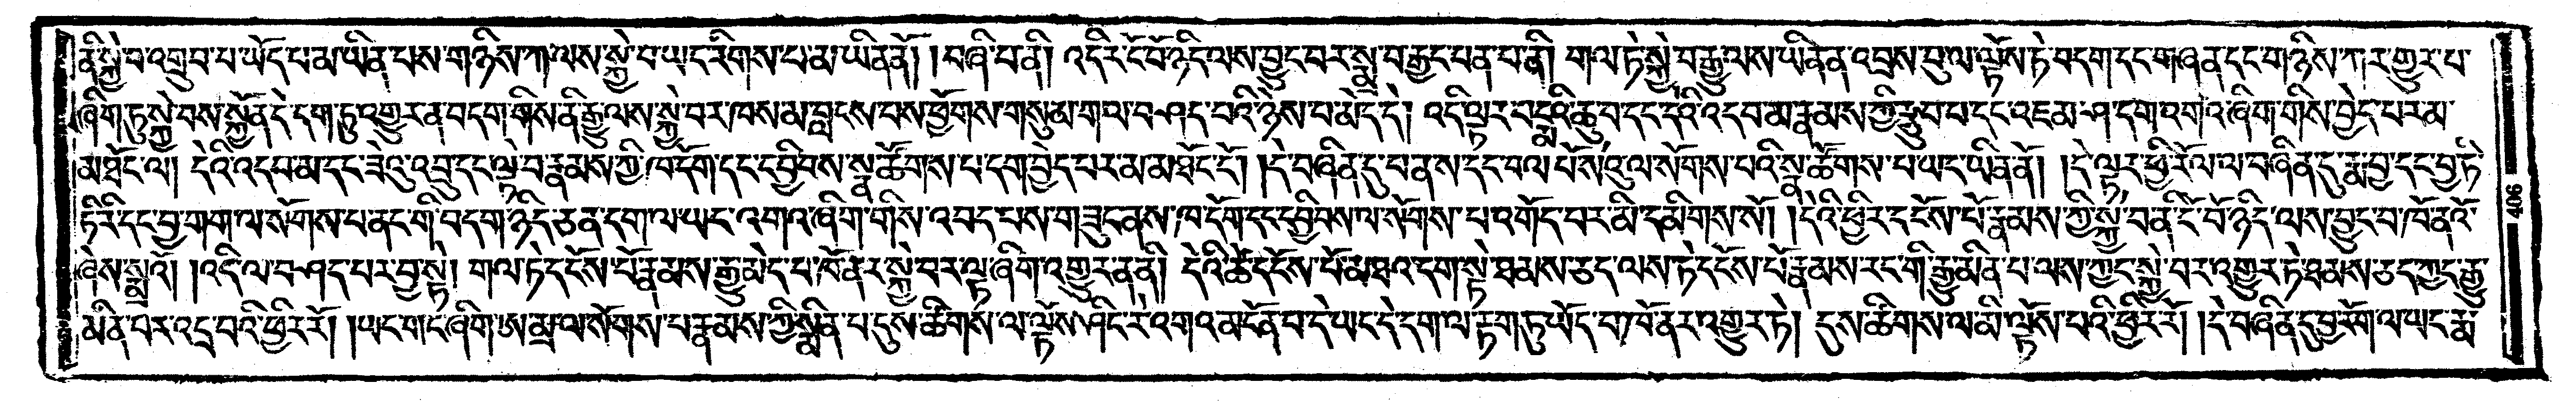ནི་སྐྱེ་བ་འགྲུབ་པ་ཡོད་པ་མ་ཡིན་པས་གཉིས་ཀ་ལས་སྐྱེ་བ་ཡང་རིགས་པ་མ་ཡིན་ནོ། །བཞི་པ་ནི། འདིར་ངོ་བོ་ཉིད་ལས་བྱུང་བར་སྨྲ་བ་རྒྱང་ཕན་པ་ནི། གལ་ཏེ་སྐྱེ་བ་རྒྱུ་ལས་ཡིན་ན་འབྲས་བུ་ལ་ལྟོས་ཏེ་བདག་དང་གཞན་དང་གཉིས་ཀར་གྱུར་པ་
ཞིག་ཏུ་སྐྱེ་བས་སྐྱོན་དེ་དག་ཏུ་འགྱུར་ན་བདག་གིས་ནི་རྒྱུ་ལས་སྐྱེ་བར་ཁས་མ་བླངས་པས་ཕྱོགས་གསུམ་ག་ལ་བཤད་པའི་ཉེས་པ་མེད་དེ། འདི་ལྟར་པདྨའི་ཆུ་བ་དང་དེའི་འདབ་མ་རྣམས་ཀྱི་རྩུབ་པ་དང་འཇམ་ཤ་དག་འགའ་ཞིག་གིས་བྱེད་པར་མ་
མཐོང་ལ། དེའི་འདབ་མ་དང་ཟེའུ་འབྲུ་དང་ལྟེ་བ་རྣམས་ཀྱི་ཁ་དོག་དང་དབྱིབས་སྣ་ཚོགས་པ་དག་བྱེད་པར་མ་མཐོང་ངོ། །དེ་བཞིན་དུ་པ་ན་ས་དང་བལ་པོ་སེའུ་ལ་སོགས་པའི་སྣ་ཚོགས་པ་ཡང་ཡིན་ནོ། །དེ་ལྟར་ཕྱི་རོལ་ལ་བཞིན་དུ་རྨ་བྱ་དང་བྱ་ཏི་
ཏི་རི་དང་བྱ་གག་ལ་སོགས་པ་ནང་གི་བདག་ཉིད་ཅན་དག་ལ་ཡང་འགའ་ཞིག་གིས་འབད་པས་གཟུང་ནས་ཁ་དོག་དང་དབྱིབས་ལ་སོགས་པ་འགོད་པར་མི་དམིགས་སོ། །དེའི་ཕྱིར་དངོས་པོ་རྣམས་ཀྱི་སྐྱེ་བ་ནི་ངོ་བོ་ཉིད་ལས་བྱུང་བ་ཁོ་ནའོ་
ཞེས་སྨྲའོ། །འདི་ལ་བཤད་པར་བྱ་སྟེ། གལ་ཏེ་དངོས་པོ་རྣམས་རྒྱུ་མེད་པ་ཁོ་ནར་སྐྱེ་བར་ལྟ་ཞིག་འགྱུར་ན་ནི། དེའི་ཚེ་དངོས་པོ་མཐའ་དག་སྟེ་ཐམས་ཅད་ལས་ཏེ་དངོས་པོ་རྣམས་རང་གི་རྒྱུ་མིན་པ་ལས་ཀྱང་སྐྱེ་བར་འགྱུར་ཏེ་ཐམས་ཅད་ཀྱང་རྒྱུ་
མིན་པར་འདྲ་བའི་ཕྱིར་རོ། །ཡང་གང་ཞིག་ཨ་མྲ་ལ་སོགས་པ་རྣམས་ཀྱི་སྨིན་པ་དུས་ཚིགས་ལ་ལྟོས་ཤིང་རེ་འགའ་མངོན་པ་དེ་ཡང་དེ་དག་ལ་རྟག་ཏུ་ཡོད་པ་ཁོ་ནར་འགྱུར་ཏེ། དུས་ཚིགས་ལ་མི་ལྟོས་པའི་ཕྱིར་རོ། །དེ་བཞིན་དུ་བྱ་རོག་ལ་ཡང་རྨ་